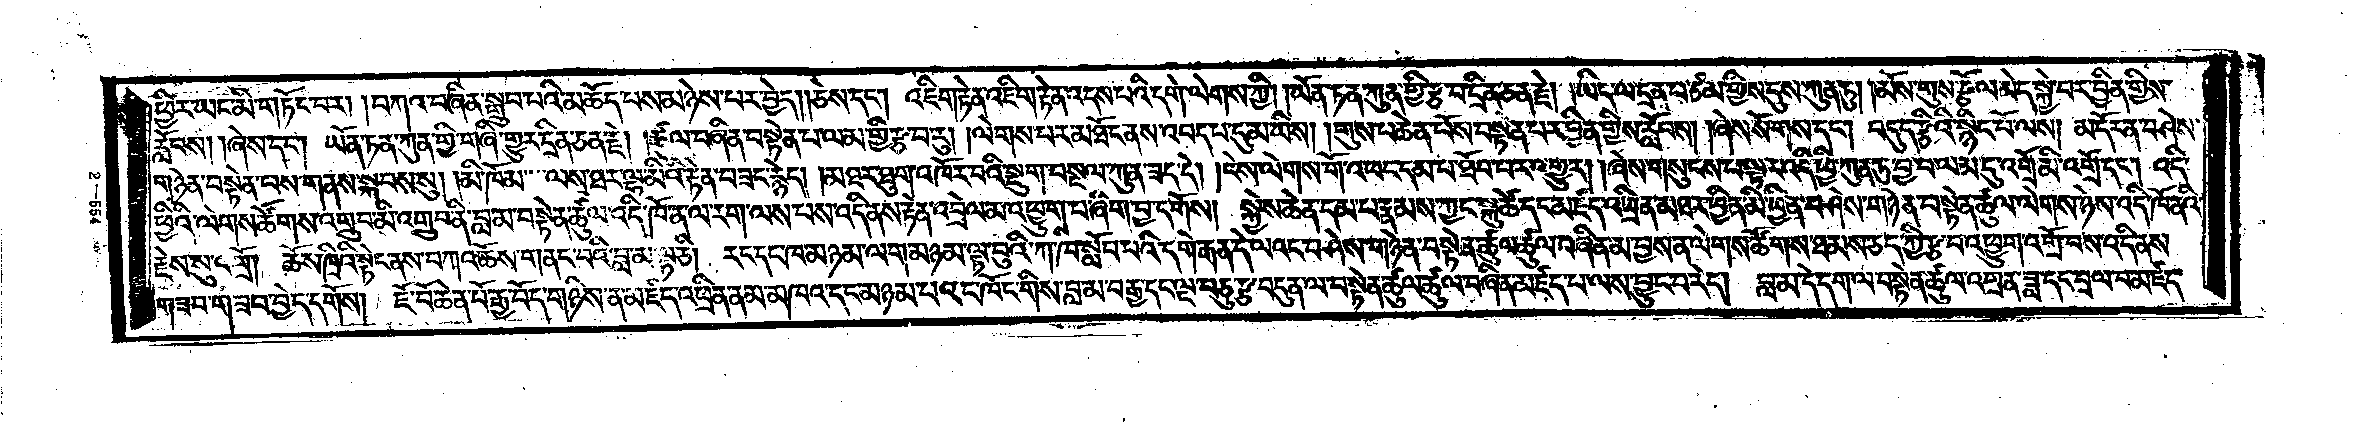ཕྱིར་ཡང་མི་གཏོང་བར། །བཀའ་བཞིན་སྒྲུབ་པའི་མཆོད་པས་མཉེས་པར་བྱེད། །ཅེས་དང་། འཇིག་རྟེན་འཇིག་རྟེན་འདས་པའི་དགེ་ལེགས་ཀྱི། །ཡོན་ཏན་ཀུན་གྱི་རྩ་བ་དྲིན་ཅན་རྗེ། །ཡིད་ལ་དྲན་པ་ཙམ་གྱིས་དུས་ཀུན་ཏུ། །མོས་གུས་རྩོལ་མེད་སྐྱེ་བར་བྱིན་གྱིས་
རློབས། །ཞེས་དང་། ཡོན་ཏན་ཀུན་གྱི་གཞི་གྱུར་དྲིན་ཅན་རྗེ། །ཚུལ་བཞིན་བསྟེན་པ་ལམ་གྱི་རྩ་བ་རུ། །ལེགས་པར་མཐོང་ནས་འབད་པ་དུ་མ་ཡིས། །གུས་པ་ཆེན་པོས་བསྟེན་པར་བྱིན་གྱིས་རློབས། །ཞེས་Hསོགས་དང་། བདུད་རྩིའི་སྙིང་པོ་ལས། མདོར་ན་བཤེས་
གཉེན་བསྟེན་པས་གནས་སྐབས་སུ། །མི་ཁོམ་ལས་ཐར་ལྷ་མིའི་རྟེན་བཟང་རྙེད། །མཐར་ཐུག་འཁོར་བའི་སྡུག་བསྔལ་ཀུན་ཟད་དེ། །ངེས་ལེགས་གོ་འཕང་དམ་པ་ཐོབ་པར་འགྱུར། །ཞེས་གསུངས་པ་ལྟར་འདི་ཕྱི་ཀུན་ཏུ་བྱ་བ་ལམ་དུ་འགྲོ་མི་འགྲོ་དང་། འདི་
ཕྱིའི་ལེགས་ཚོགས་འགྲུབ་མི་འགྲུབ་ནི་བླ་མ་བསྟེན་ཚུལ་འདི་ཁོ་ན་ལ་རག་ལས་པས་འདི་ནས་རྟེན་འབྲེལ་མ་འཕྱུགས་པ་ཞིག་བྱ་དགོས། སྐྱེས་ཆེན་དམ་པ་རྣམས་ཀྱང་སྐུ་ཚེ་དང་མཛད་འཕྲིན་མཐར་ཕྱིན་མི་ཕྱིན་བཤེས་གཉེན་བསྟེན་ཚུལ་ལེགས་ཉེས་འདི་ཁོ་ནའི་
རྗེས་སུ་འགྲོ། ཆོས་ཁྲིའི་སྟེང་ནས་བཀའ་ཆོས་གནང་བའི་བླ་མ་ལྟ་ཅི། རང་དང་ཁ་མཉམ་ལག་མཉམ་ལྟ་བུའི་ཀ་ཁ་སློབ་པའི་དགེ་རྒན་དེ་ལའང་བཤེས་གཉེན་བསྟེན་ཚུལ་ཚུལ་བཞིན་མ་བྱས་ན་ལེགས་ཚོགས་ཐམས་ཅད་ཀྱི་རྩ་བ་ཕྱུག་འགྲོ་བས་འདི་ནས་
གཟབ་གཟབ་བྱེད་དགོས། ཇོ་བོ་ཆེན་པོ་རྒྱ་བོད་གཉིས་ན་མཛད་འཕྲིན་ནམ་མཁའ་དང་མཉམ་པའང་ཁོང་གིས་བླ་མ་བརྒྱ་དང་ལྔ་བཅུ་རྩ་བདུན་ལ་བསྟེན་ཚུལ་ཚུལ་བཞིན་མཛད་པ་ལས་བྱུང་བ་རེད། བླ་མ་དེ་དག་ལ་བསྟེན་ཚུལ་འགྲན་ཟླ་དང་བྲལ་བ་མཛད་